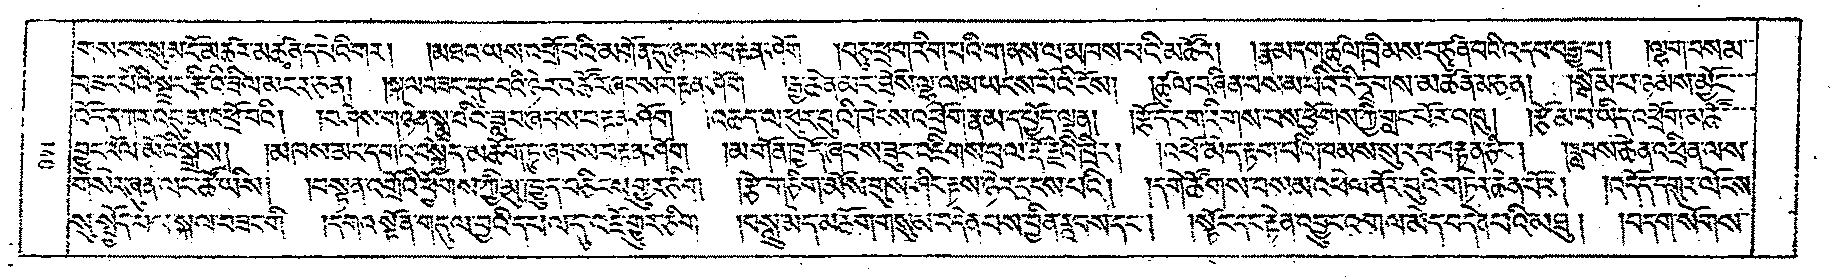གསང་གསུམ་ངོ་མཚར་མཚན྾་དཔེའི་གར། །མཐའ་ཡས་འགྲོ་བའི་མགོན་དུ་ཞབས་བརྟན་ཤོག །བཅུ་ཕྲག་རིག་པའི་གནས་ལ་མཁས་པའི་མཚོར། །རྣམ་དག་ཚུལ་ཁྲིམས་བཙུན་པའི་འདབ་བརྒྱ་པ། །ལྷག་བསམ་
བཟང་པོའི་སྦྲང་རྩིའི་ཟིལ་མངར་ཅན། །སྐལ་བཟང་བུང་བའི་ཉེར་འཚོར་ཞབས་བརྟན་ཤོག །རྒྱ་ཆེན་མང་ཐོས་ལྷ་ལམ་ཡངས་པོའི་ངོས། །ཚུལ་བཞིན་བསམ་པའི་རི་དྭགས་མཚན་མ་ཅན། །སྒོམ་པ་ཉམས་མྱོང་
འོད་དཀར་འབུམ་འཕྲོ་བའི། །བཤེས་གཉེན་སྨྲ་བའི་ཟླ་བ་ཞབས་བརྟན་ཤོག །འཆད་ལ་ཕུར་བུའི་ཁེངས་འཕྲོག་རྣམ་དཔྱོད་ལྡན། །རྩོད་ངག་རིགས་པས་ཕྱོགས་ཀྱི་གླང་པོར་འཁུ། །རྩོམ་པ་ཡིད་འཕྲོག་མཚོ་
བྱུང་རོལ་མོའི་སྒྲས། །མཁས་མང་དགའ་བསྐྱེད་མཆོག་ཏུ་ཞབས་བརྟན་ཤོག །མགོན་ཁྱོད་ཞབས་ཟུང་འཇིགས་བྲལ་རྡོ་རྗེའི་ཁྲིར། །འཕོ་མེད་རྟག་པའི་ཁམས་སུ་རབ་བརྟན་ཅིང་། །རླབས་ཆེན་འཕྲིན་ལས་
གསེར་ཞུན་ལང་ཚོ་ཡིས། །བསྟན་འགྲོའི་ཕྱོགས་ཀྱི་མུ་ཁྱུད་བཅིངས་གྱུར་ཅིག །རྩེ་གཅིག་མོས་གུས་ཤིང་རྟས་ཉེར་དྲངས་པའི། །དགེ་ཚོགས་བསམ་འཕེལ་ནོར་བུའི་གཏེར་ཆེན་པོར། །འདོད་དགུར་ལོངས་
སུ་སྤྱོད་པས་སྐལ་བཟང་གི །དགའ་སྟོན་གདུལ་བྱའི་དཔལ་དུ་འཇོ་གྱུར་ཅིག །བསླུ་མེད་མཆོག་གསུམ་བདེན་པས་བྱིན་རླབས་དང་། །སྟོང་དང་རྟེན་འབྱུང་འགལ་མེད་བདེན་པའི་མཐུ། །བདག་སོགས་